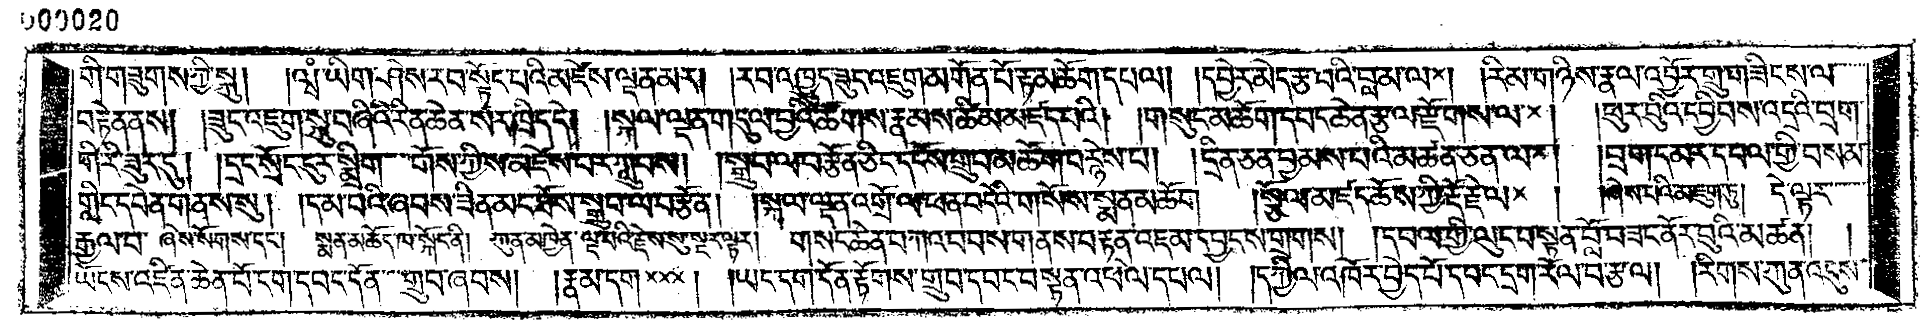གི་གཟུགས་ཀྱི་སྐུ། །ཝྭཾ་ཡིག་ཤེས་རབ་སྟོང་པའི་མཛེས་ལྡན་མར། །རབ་འཁྱུད་ཟུང་འཇུག་མགོན་པོ་རྟ་མཆོག་དཔལ། །དབྱེར་མེད་རྩ་བའི་བླ་མ་ལ་྾། །རིམ་གཉིས་རྣལ་འབྱོར་གྲུ་གཟིངས་ལ་
བརྟེན་ནས། །ཟུང་འཇུག་སྐུ་བཞིའི་རིན་ཆེན་སར་ཁྲིད་དེ། །སྐལ་ལྡན་གདུལ་བྱའི་ཚོགས་རྣམས་ཚིམ་མཛད་པའི། །གསུང་མཆོག་དབང་ཆེན་རྩལ་རྫོགས་ལ་྾། །ཕུར་བུའི་དབྱིབས་འདྲའི་བྲག་
གི་རི་ཟུར་དུ། །དྲང་སྲོང་ངུར་སྨྲིག་གོས་ཀྱིས་མཛེས་པར་ཀླུབས། །སྒྲུབ་ལ་བརྩོན་ཅིང་དངོས་གྲུབ་མཆོག་བརྙེས་པ། །དྲིན་ཅན་བྱམས་པའི་མཚན་ཅན་ལ་྾། །བྲག་དམར་དཔལ་གྱི་བསམ་
གླིང་དབེན་གནས་སུ། །དམ་པའི་ཞབས་ཟིན་མང་ཐོས་སྒྲུབ་ལ་བརྩོན། །སྐལ་ལྡན་འགྲོ་ལ་ཕན་བདེའི་གསོས་སྨན་མཆོག །སྩོལ་མཛད་ཆོས་ཀྱི་རྡོ་རྗེ་ལ་྾། ཞེས་པའི་མཇུག་ཏུ།  དེ་ལྟར་
རྒྱལ་བ་ཞེས་སོགས་དང་། སྨན་མཆོད་ཁ་སྐོང་ནི། ཀུན་མཁྱེན་ལྔ་པའི་རྗེས་སུ་སྔར་ལྟར།  གསང་ཆེན་བཀའ་བབས་གནས་བརྟན་འཇམ་དབྱངས་གྲགས། །དཔལ་གྱི་ལུང་བསྟན་བློ་བཟང་ནོར་བུའི་མཚན། །
ཡོངས་འཛིན་ཆེན་པོ་ངག་དབང་དོན་གྲུབ་ཞབས། །རྣམ་དག་྾྾྾། །ཡང་དག་དོན་རྟོགས་གྲུབ་དབང་བསྟན་འཕེལ་དཔལ། །དཀྱིལ་འཁོར་བྱེད་པོ་དབང་དྲག་རོལ་པ་རྩལ། །རིགས་ཀུན་འདུས་